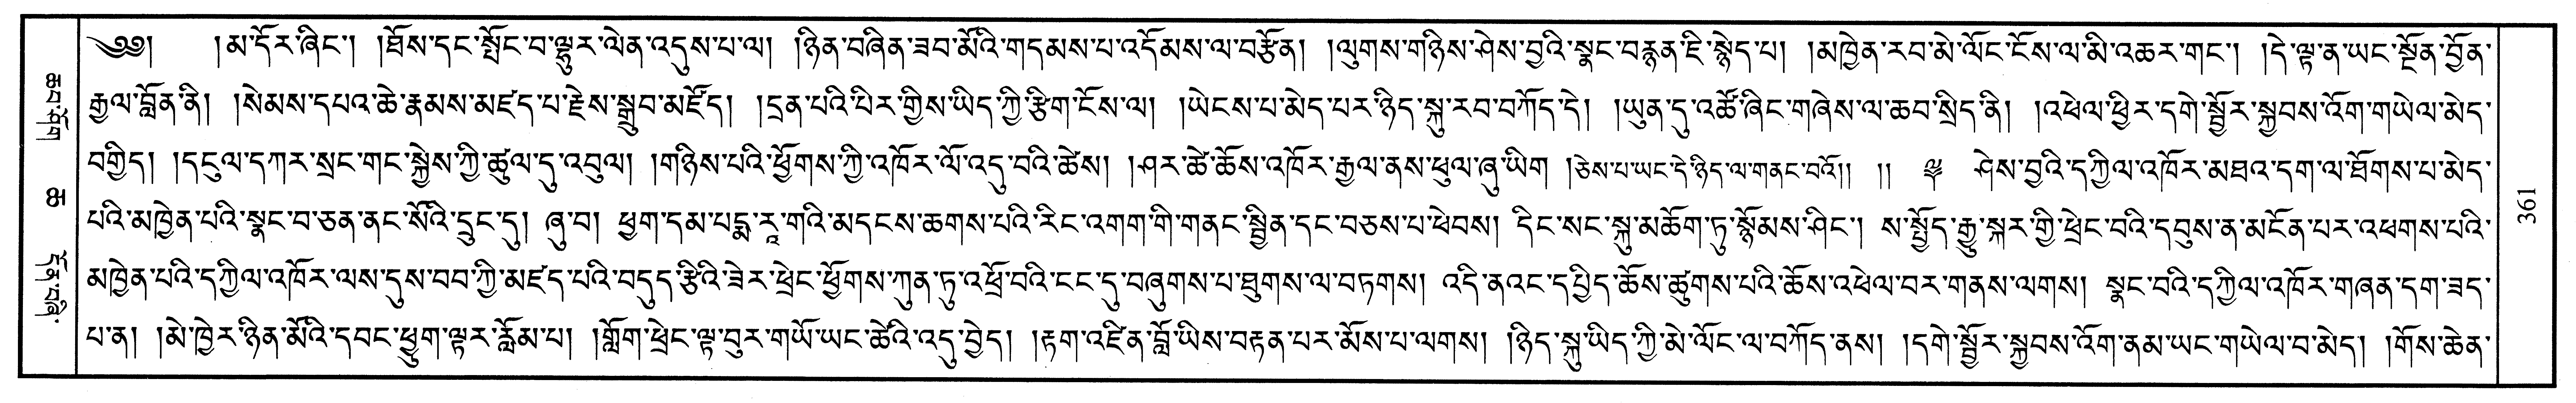༄༅། །མ་དོར་ཞིང་། །ཐོས་དང་སྤོང་བ་ལྷུར་ལེན་འདུས་པ་ལ། །ཉིན་བཞིན་ཟབ་མོའི་གདམས་པ་འདོམས་ལ་བརྩོན། །ལུགས་གཉིས་ཤེས་བྱའི་སྣང་བརྙན་ཇི་སྙེད་པ། །མཁྱེན་རབ་མེ་ལོང་ངོས་ལ་མི་འཆར་གང་། །དེ་ལྟ་ན་ཡང་སྔོན་བྱོན་
རྒྱལ་བློན་ནི། །སེམས་དཔའ་ཆེ་རྣམས་མཛད་པ་རྗེས་སྒྲུབ་མཛོད། །དྲན་པའི་པིར་གྱིས་ཡིད་ཀྱི་རྩིག་ངོས་ལ། །ཡེངས་པ་མེད་པར་ཉིད་སྐུ་རབ་བཀོད་དེ། །ཡུན་དུ་འཚོ་ཞིང་གཞེས་ལ་ཆབ་སྲིད་ནི། །འཕེལ་ཕྱིར་དགེ་སྦྱོར་སྐྱབས་འོག་གཡེལ་མེད་
བགྱིད། །དངུལ་དཀར་སྲང་གང་སྐྱེས་ཀྱི་ཚུལ་དུ་འབུལ། །གཉིས་པའི་ཕྱོགས་ཀྱི་འཁོར་ལོ་འདུ་བའི་ཚེས། །ཤར་ཚེ་ཆོས་འཁོར་རྒྱལ་ནས་ཕུལ་ཞུ་ཡིག །ཅེས་པ་ཡང་དེ་ཉིད་ལ་གནང་བའོ།། །། ༈ ཤེས་བྱའི་དཀྱིལ་འཁོར་མཐའ་དག་ལ་ཐོགས་པ་མེད་
པའི་མཁྱེན་པའི་སྣང་བ་ཅན་ནང་སོའི་དྲུང་དུ། ཞུ་བ། ཕྱག་དམ་པདམ་རཱ་གའི་མདངས་ཆགས་པའི་རིང་འགག་གི་གནང་སྦྱིན་དང་བཅས་པ་ཕེབས། དིང་སང་སྐུ་མཆོག་ཏུ་སྙོམས་ཤིང་། ས་སྤྱོད་རྒྱུ་སྐར་གྱི་ཕྲེང་བའི་དབུས་ན་མངོན་པར་འཕགས་པའི་
མཁྱེན་པའི་དཀྱིལ་འཁོར་ལས་དུས་བབ་ཀྱི་མཛད་པའི་བདུད་རྩིའི་ཟེར་ཕྲེང་ཕྱོགས་ཀུན་ཏུ་འཕྲོ་བའི་ངང་དུ་བཞུགས་པ་ཐུགས་ལ་བཏགས། འདི་ནའང་དཔྱིད་ཆོས་ཚུགས་པའི་ཆོས་འཕེལ་བར་གནས་ལགས། སྣང་བའི་དཀྱིལ་འཁོར་གཞན་དག་ཟད་
པ་ན། །མེ་ཁྱེར་ཉིན་མོའི་དབང་ཕྱུག་ལྟར་རློམ་པ། །གློག་ཕྲེང་ལྟ་བུར་གཡོ་ཡང་ཚེའི་འདུ་བྱེད། །རྟག་འཛིན་བློ་ཡིས་བརྟན་པར་མོས་པ་ལགས། །ཉིད་སྐུ་ཡིད་ཀྱི་མེ་ལོང་ལ་བཀོད་ནས། །དགེ་སྦྱོར་སྐྱབས་འོག་ནམ་ཡང་གཡེལ་བ་མེད། །གོས་ཆེན་